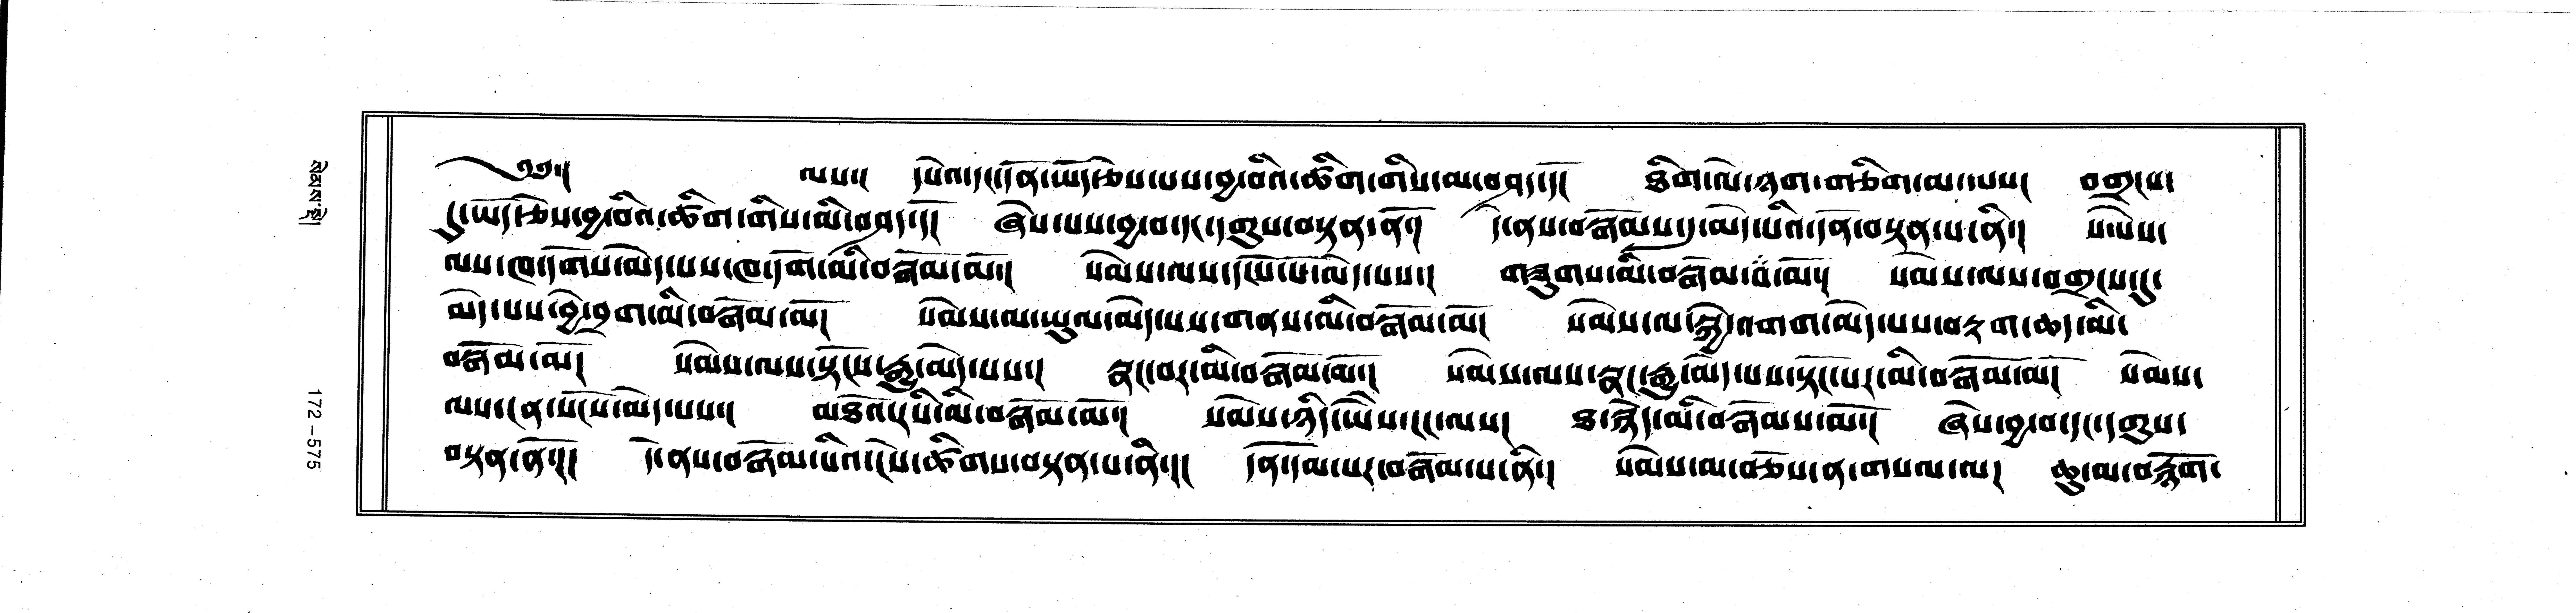ལས། དཔེའ་དང་དོན་ཡོད་ཅེས་པས་བྱ་བའི་ཚིག་གིས་མི་བཤད་དོ། ཐིག་ལེ་ཉག་གཅིག་མ་ལས། བགྲངས་
དུ་ཡོད་ཅེས་བྱ་བའི་ཚིག་གིས་མི་བཤད་དོ། ཞེས་པས་བྱ་བ་དང་དགུས་བསྟན་ནོ། དེ་ནས་བསྒོམས་དུ་མེད་པའི་དོན་བསྟན་པ་ནི། སེམས་
ལས་ཁ་དོག་མེད་པས་ཁ་དོག་མི་བསྒོམ་མོ། སེམས་ལས་དངོས་པོ་མེད་པས། གཟུགས་མི་བསྒོམ་མོ། སེམས་ལས་བགྲངས་དུ་
མེད་པས་བྱེ་བྲག་མི་བསྒོམ་མོ། སེམས་ལ་ཡུལ་མེད་པས་གནས་མི་བསྒོམ་མོ། སེམས་ལ་སྐྱེ་འགག་མེད་པས་རྟག་ཆད་མི་
བསྒོམ་མོ། སེམས་ལས་སྟོང་རྒྱུ་མེད་པས། སྣང་བར་མི་བསྒོམ་མོ། སེམས་ལས་སྣང་རྒྱུ་མེད་པས་སྟོང་པར་མི་བསྒོམ་མོ། སེམས་
ལས་ངན་སོངས་མེད་པས། མཐོའ་རིས་མི་བསྒོམ་མོ། སེམས་ཉིད་ཡེ་ཤེས་ངང་ལས། ཐ་སྙེད་མི་བསྒོམས་མོ། ཞེས་བྱ་བ་དང་དགུས་
བསྟན་ནོ། དེ་ནས་བསྒོམ་པའི་ངེས་ཚིགས་བསྟན་པ་ནི། དོན་དམ་པར་བསྒོམས་པ་ནི། སེམས་མ་བཅོས་ན་གསལ་ལ། ཆུ་མ་བརྙོག་